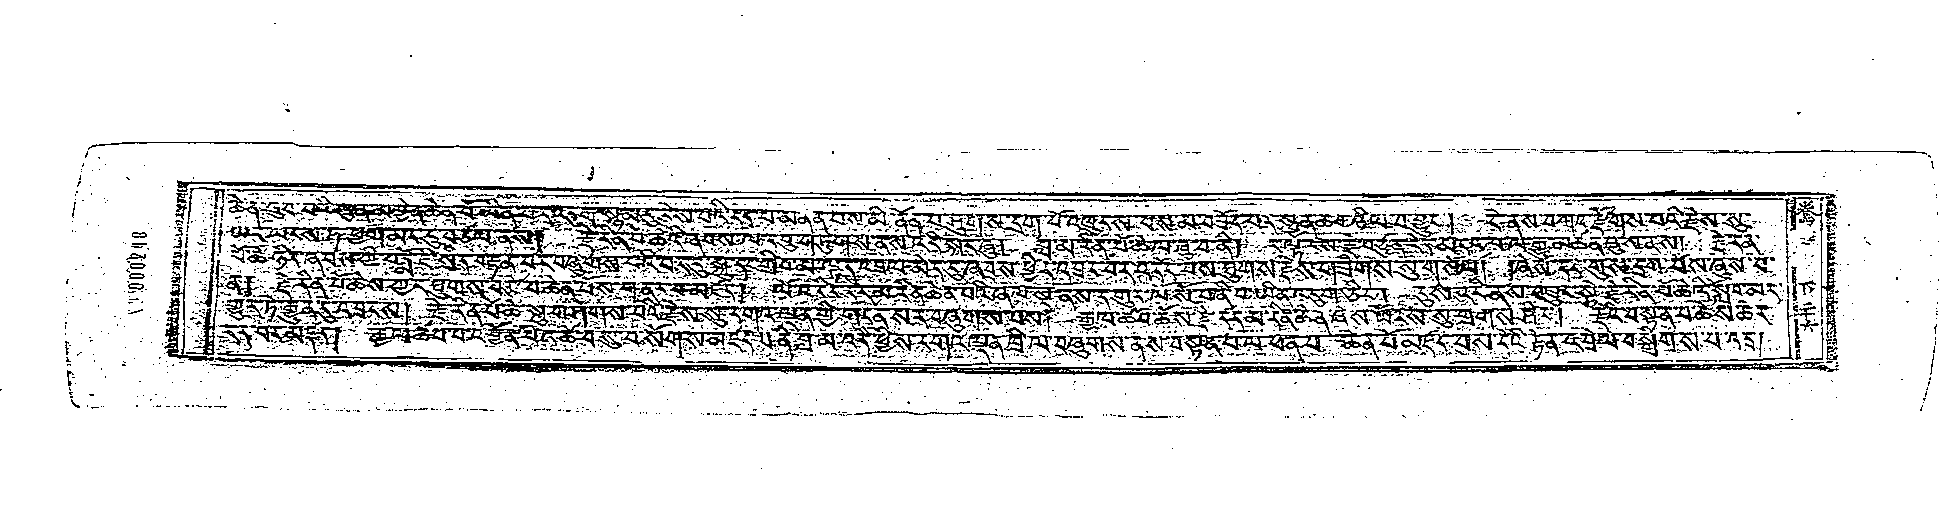ཆེན་གྲུབ་པའི་ཀུན་མཁྱེན་ཆེན་པོ་ཡིན་པར་འདུག་སྙམ་དུ་ངེས་པའི་དད་པ་མནན་བས་མི་ནོན་པ་ཤུགས་དྲག་པོ་འཁྲུངས་པས་མ་བཟོད་པར་སྤྱན་ཆབ་ཉིལ་བ་བྱུང་། དེ་ནས་བཀའ་རྫོགས་པའི་རྗེས་སུ་
ཡང་ལངས་ཏེ་ཕྱག་མང་དུ་བཙལ་ནས། རྗེ་རིན་པོ་ཆེའི་ཞབས་ལ་དབུ་གཏུགས་ནས་འདི་སྐད་ཞུ། བླ་མ་རིན་པོ་ཆེ་ལ་ཞུ་བ་ནི། ད་ལྟ་ངེས་རྗེ་བཙུན་རེད་མདའ་པ་ལ་རྒྱུ་མཚན་ཞུས་ནས། རྗེ་རིན་
པོ་ཆེ་ཉིད་ཞབས་ཀྱི་པདམོ་ཇི་སྲིད་བརྟན་པར་བཞུགས་པའི་བར་དུ་སྐུ་དང་གྲིབ་མ་ལྟར་འབྲལ་མེད་དུ་ཞབས་ཕྱིར་འབྲང་བར་འདོད་བས་ཐུགས་རྗེས་གཟིགས་སུ་གསོལ། །ཞེས་དང་གུས་དྲག་པོས་ཞུས་པ་
ན། རྗེ་རིན་པོ་ཆེས་ཀྱང་ཐུགས་བརྩེ་བ་ཆེན་པོས་གནང་བ་མཛད། ལོ་འདིར་དང་མ་རིན་ཆེན་པའི་ཞལ་སྔ་ནས་དགུང་ལོ་སོ་བཞིན་པ་ཡིན་འདུག་ཅིང་། དུས་འདི་ནས་བཟུང་སྟེ་རྗེ་རིན་པོ་ཆེའི་སློབ་མང་
གྱུར་ཏེ་རྒྱུན་དུ་འབྲངས། རྗེ་རིན་པོ་ཆེ་སྐུ་གཤེགས་པའི་རྗེས་སུ་དགའ་ལྡན་གྱི་གདན་སར་བཞུགས་པས། རྒྱལ་ཚབ་ཆོས་རྗེ་དར་མ་རིན་ཆེན་ཞེས་ཡོངས་སུ་གྲགས་ཤིང་། རྗེའི་བསྟན་པ་ཆེས་ཆེར་
དར་བར་མཛད། རྒྱལ་ཚབ་པ་འབྱོན་པའི་ཚེ་བསུ་བ་སོགས་མཛད་པ་ནི་བླ་མ་འདི་ཕྱིས་དགའ་ལྡན་ཁྲི་ལ་བཞུགས་ནས་བསྟན་པ་ལ་ཕན་པ་ཆེན་པོ་མཛད་པས་དེའི་རྟེན་འབྲེལ་བསྒྲིགས་པ་འདྲ།